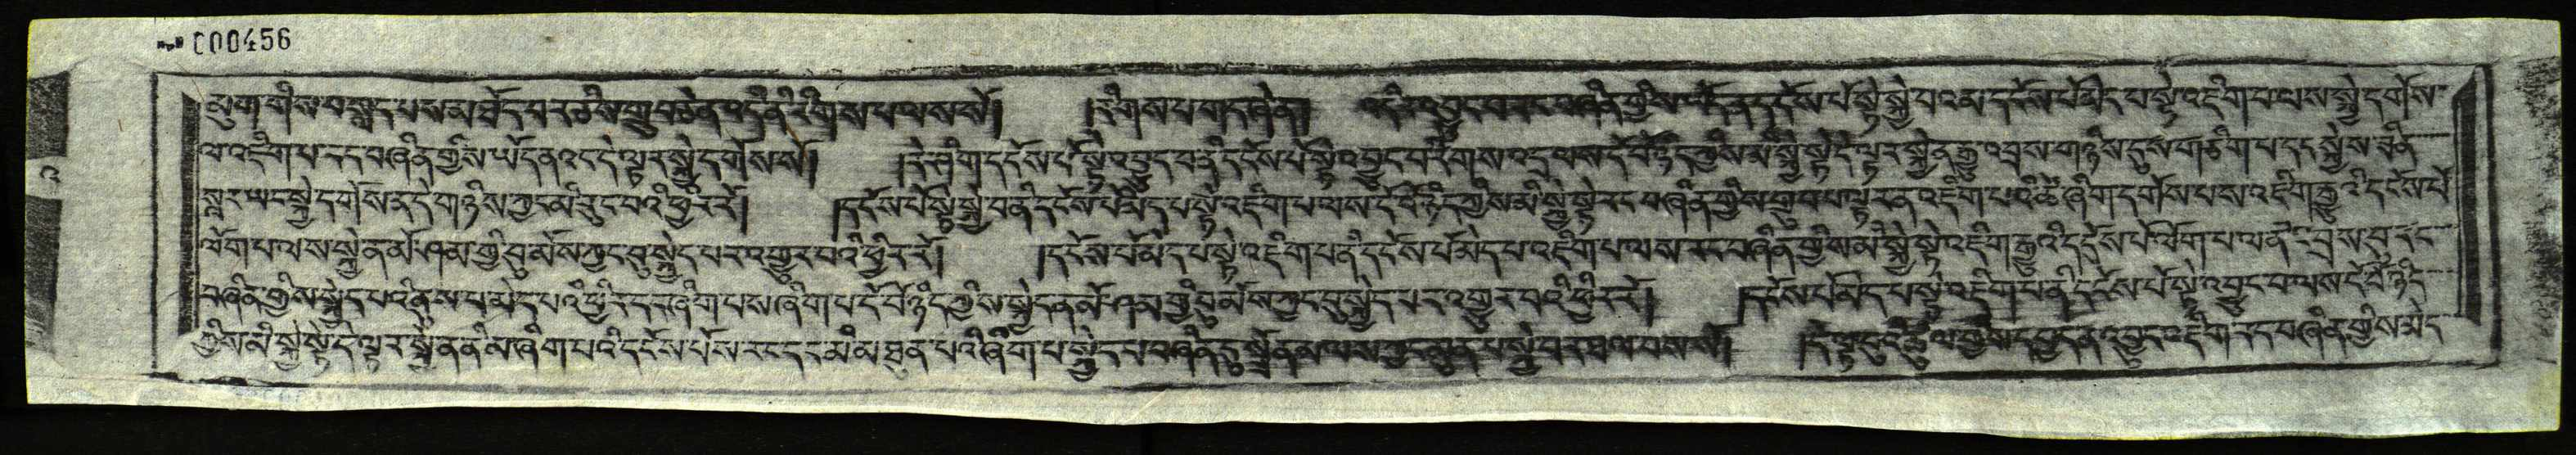མུག་གིས་བསླད་པས་མཐོང་བར་ཅིས་གྲུབ་ཅེ་ན་འདི་ནི་རིགས་པ་ལས་སོ། །རིགས་པ་གང་ཞེ་ན། འདིར་འབྱུང་བ་རང་བཞིན་གྱིས་ཡོད་ན་དངོས་པོ་སྟེ་སྐྱེ་བའམ་དངོས་པོ་མེད་པ་སྟེ་འཇིག་པ་ལས་སྐྱེ་དགོས་
ལ་འཇིག་པ་རང་བཞིན་གྱིས་ཡོད་ནའང་དེ་ལྟར་སྐྱེ་དགོས་སོ། །རེ་ཤིག་དངོས་པོ་སྟེ་འབྱུང་བ་ནི་དངོས་པོ་སྟེ་འབྱུང་བ་རིགས་འདྲ་ལས་ངོ་བོ་ཉིད་ཀྱིས་མ་སྐྱེ་སྟེ་དེ་ལྟར་སྐྱེན་རྒྱུ་འབྲས་གཉིས་དུས་གཅིག་པ་དང་སྐྱེས་ཟིན་
སླར་ཡང་སྐྱེ་དགོས་ན་དེ་གཉིས་ཀྱང་མི་རུང་བའི་ཕྱིར་རོ། །དངོས་པོ་སྟེ་སྐྱེ་བ་ནི་དངོས་པོ་མེད་པ་སྟེ་འཇིག་པ་ལས་ངོ་བོ་ཉིད་ཀྱིས་མི་སྐྱེ་སྟེ་རང་བཞིན་གྱིས་གྲུབ་པ་ལྟར་ན་འཇིག་པའི་ཚེ་ཞིག་དགོས་པས་འཇིག་རྒྱུའི་དངོས་པོ་
ལོག་པ་ལས་སྐྱེ་ན་མོ་ཤམ་གྱི་བུ་མོས་ཀྱང་བུ་སྐྱེད་པར་འགྱུར་བའི་ཕྱིར་རོ། །དངོས་པོ་མེད་པ་སྟེ་འཇིག་པ་ནི་དངོས་པོ་མེད་པ་འཇིག་པ་ལས་རང་བཞིན་གྱིས་མི་སྐྱེ་སྟེ་འཇིག་རྒྱུའི་དངོས་པོ་ལོག་པ་ལ་ནི་འབྲས་བུ་རང་
བཞིན་གྱིས་སྐྱེད་པའི་ནུས་པ་མེད་པའི་ཕྱིར་དང་ཞིག་པས་ཞིག་པ་ངོ་བོ་ཉིད་ཀྱིས་སྐྱེད་ན་མོ་ཤམ་གྱི་བུ་མོས་ཀྱང་བུ་སྐྱེད་པར་འགྱུར་བའི་ཕྱིར་རོ། །དངོས་པོ་མེད་པ་སྟེ་འཇིག་པ་ནི་དངོས་པོ་སྟེ་འབྱུང་བ་ལས་ངོ་བོ་ཉིད་
ཀྱིས་མི་སྐྱེ་སྟེ་དེ་ལྟར་སྐྱེ་ན་ནི་མ་ཞིག་པའི་དངོས་པོས་རང་དང་མི་མཐུན་པའི་ཞིག་པ་སྐྱེད་པ་བཞིན་དུ་སྒྲོན་མ་ལས་ཀྱང་མུན་པ་སྐྱེ་བར་ཐལ་བས་སོ། །དེ་ལྟ་བུའི་ཚུལ་གྱིས་དཔྱད་ན་འབྱུང་འཇིག་རང་བཞིན་གྱིས་མེད་